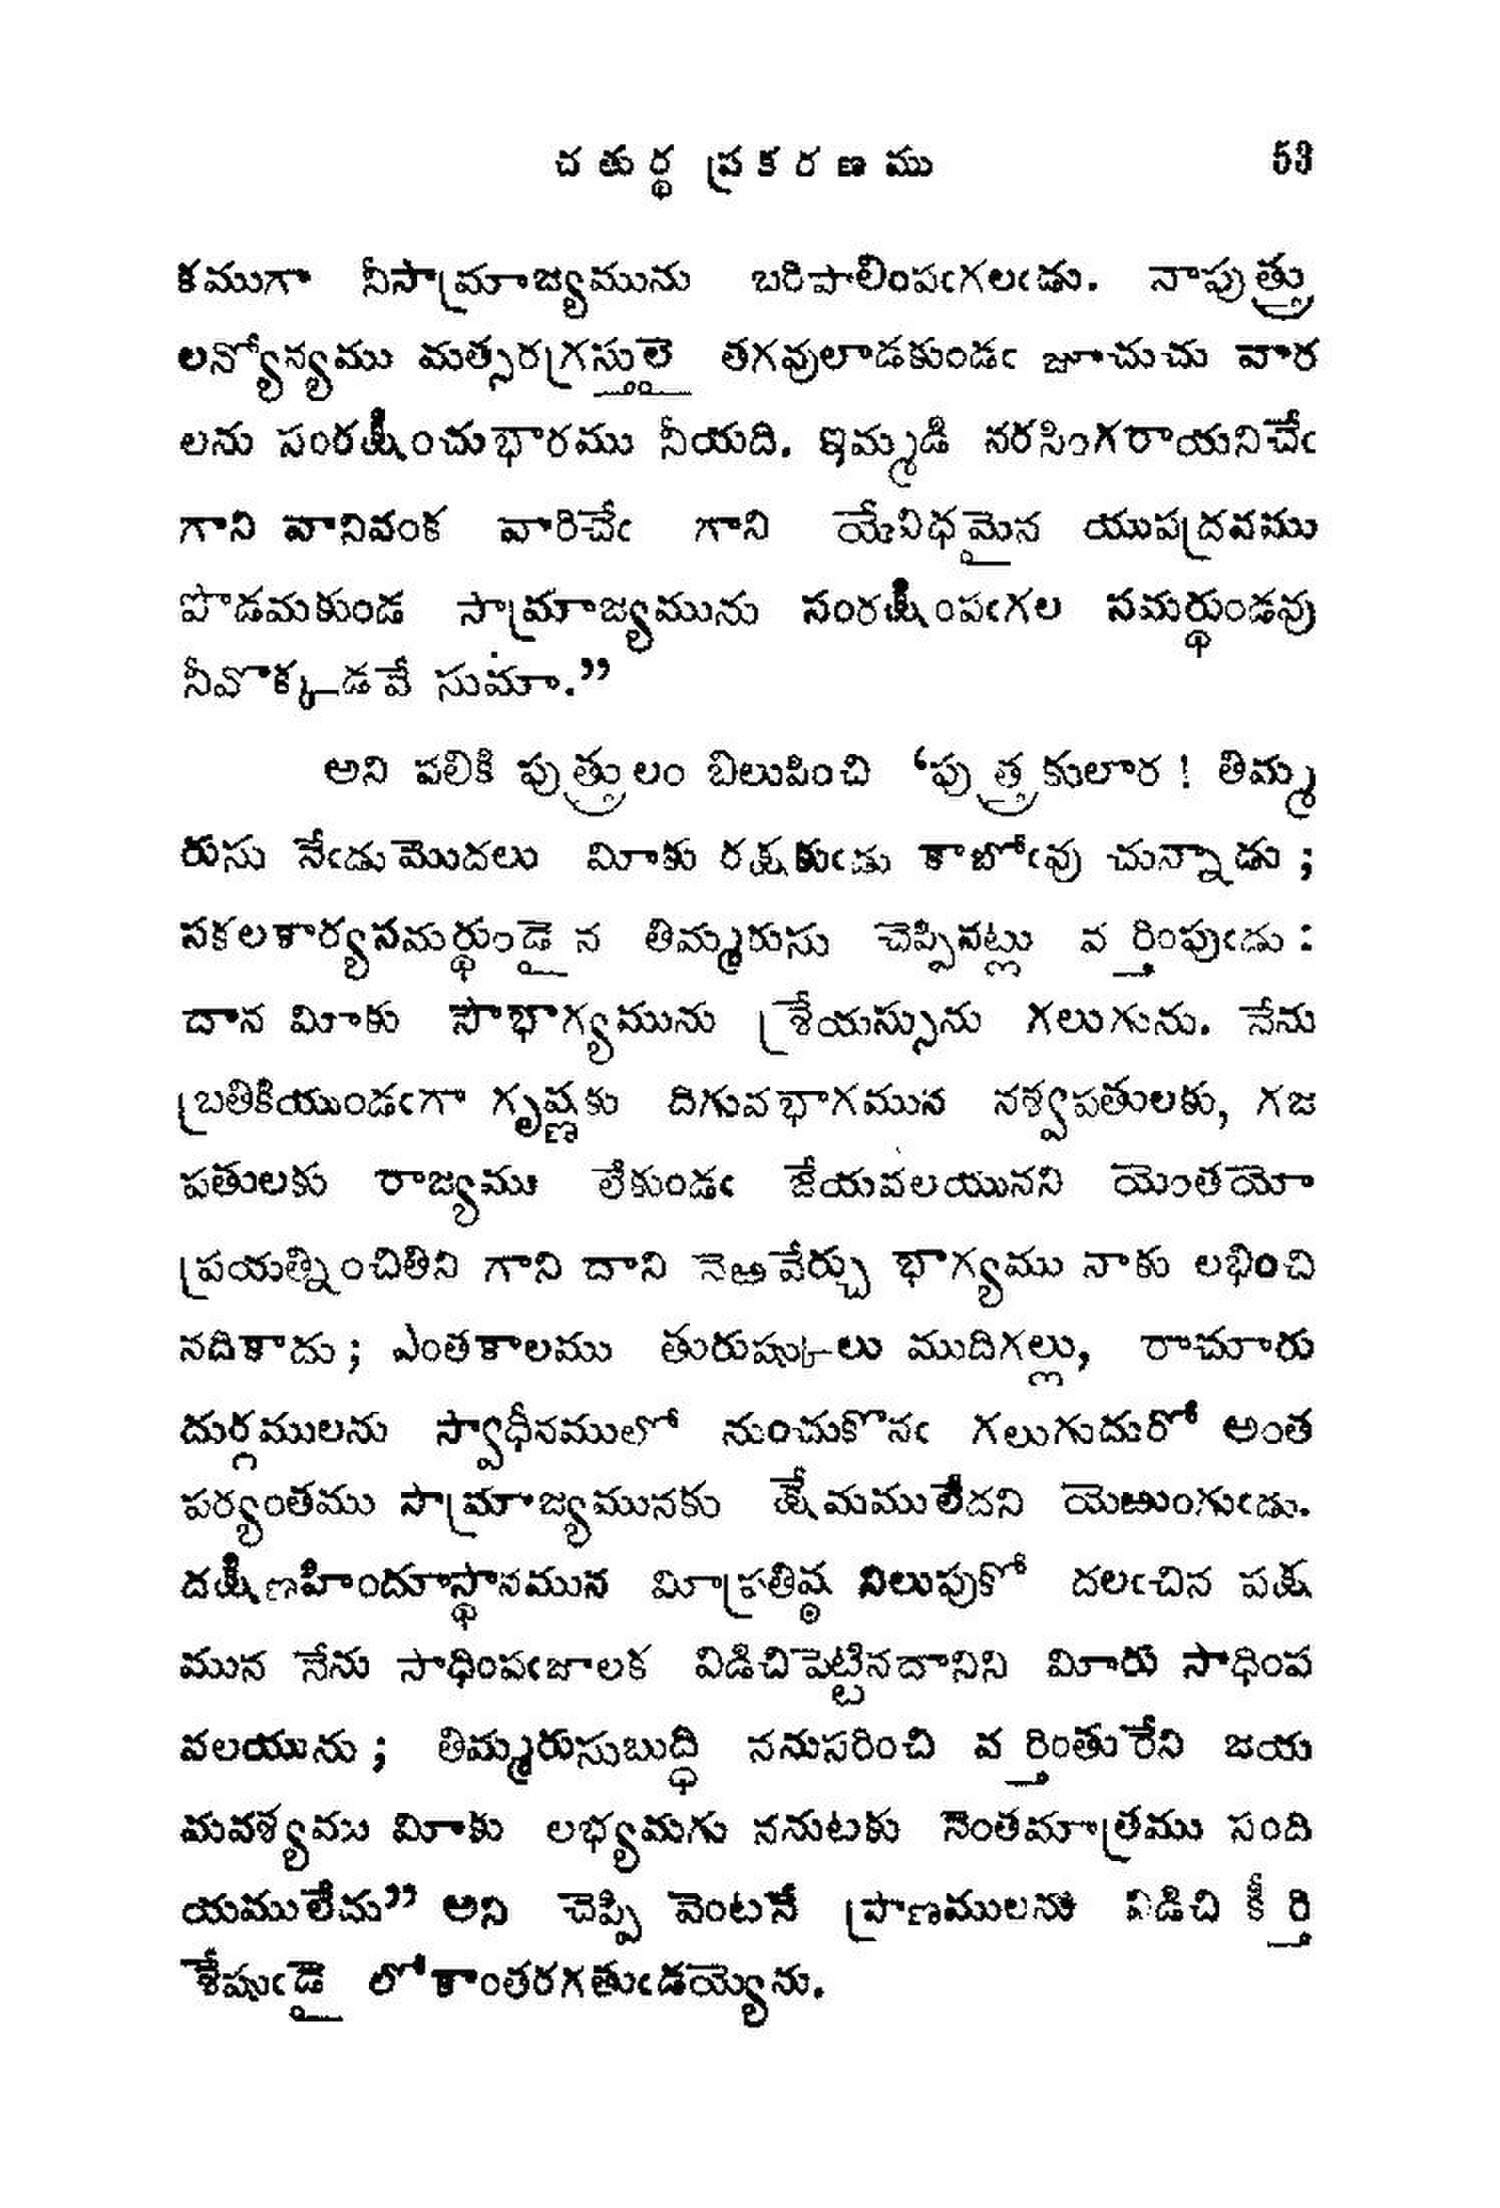కముగా నీసామ్రాజ్యమును బరిపాలింపఁగలఁడు. నాపుత్త్రు లన్యోన్యము మత్సరగ్రస్తులై తగవులాడకుండఁ జూచుచు వారలను సంరక్షించుభారము నీయది. ఇమ్మడి నరసింగరాయనిచేఁ గాని వానివంక వారిచేఁ గాని యేవిధమైన యుపద్రవము పొడమకుండ సామ్రాజ్యమును సంరక్షింపఁగల సమర్ధుండవు నీవొక్కడవే సుమా."

అని పలికి పుత్రులం బిలుపించి 'పుత్త్రకులార ! తిమ్మరుసు నేఁడుమొదలు మీకు రక్షకుఁడు కాబోఁవు చున్నాడు ; సకలకార్యనముర్థుండైన తిమ్మరుసు చెప్పినట్లు వర్తింపుఁడు : దాన మీకు సౌభాగ్యమును శ్రేయస్సును గలుగును. నేను బ్రతికియుండఁగా గృష్ణకు దిగువ భాగమున నశ్వపతులకు, గజపతులకు రాజ్యము లేకుండఁ జేయవలయునని యెంతయో ప్రయత్నించితిని గాని దాని నెఱవేర్చు భాగ్యము నాకు లభించినదికాదు; ఎంతకాలము తురుష్కులు ముదిగల్లు, రాచూరు దుర్గములను స్వాధీనములో నుంచుకొనఁ గలుగుదురో అంత పర్యంతము సామ్రాజ్యమునకు క్షేమములేదని యెఱుంగుఁడు. దక్షిణహిందూస్థానమున మీప్రతిష్ఠ నిలుపుకో దలఁచిన పక్షమున నేను సాధింపఁజాలక విడిచిపెట్టినదానిని మీరు సాధింప వలయును; తిమ్మరుసుబుద్ది ననుసరించి వర్తింతురేని జయ మవశ్యము మీకు లభ్యమగు ననుటకు నెంతమాత్రము సందియములేదు" అని చెప్పి వెంటనే ప్రాణములను విడిచి కీర్తిశేషుఁడై లోకాంతరగతుఁడయ్యెను.